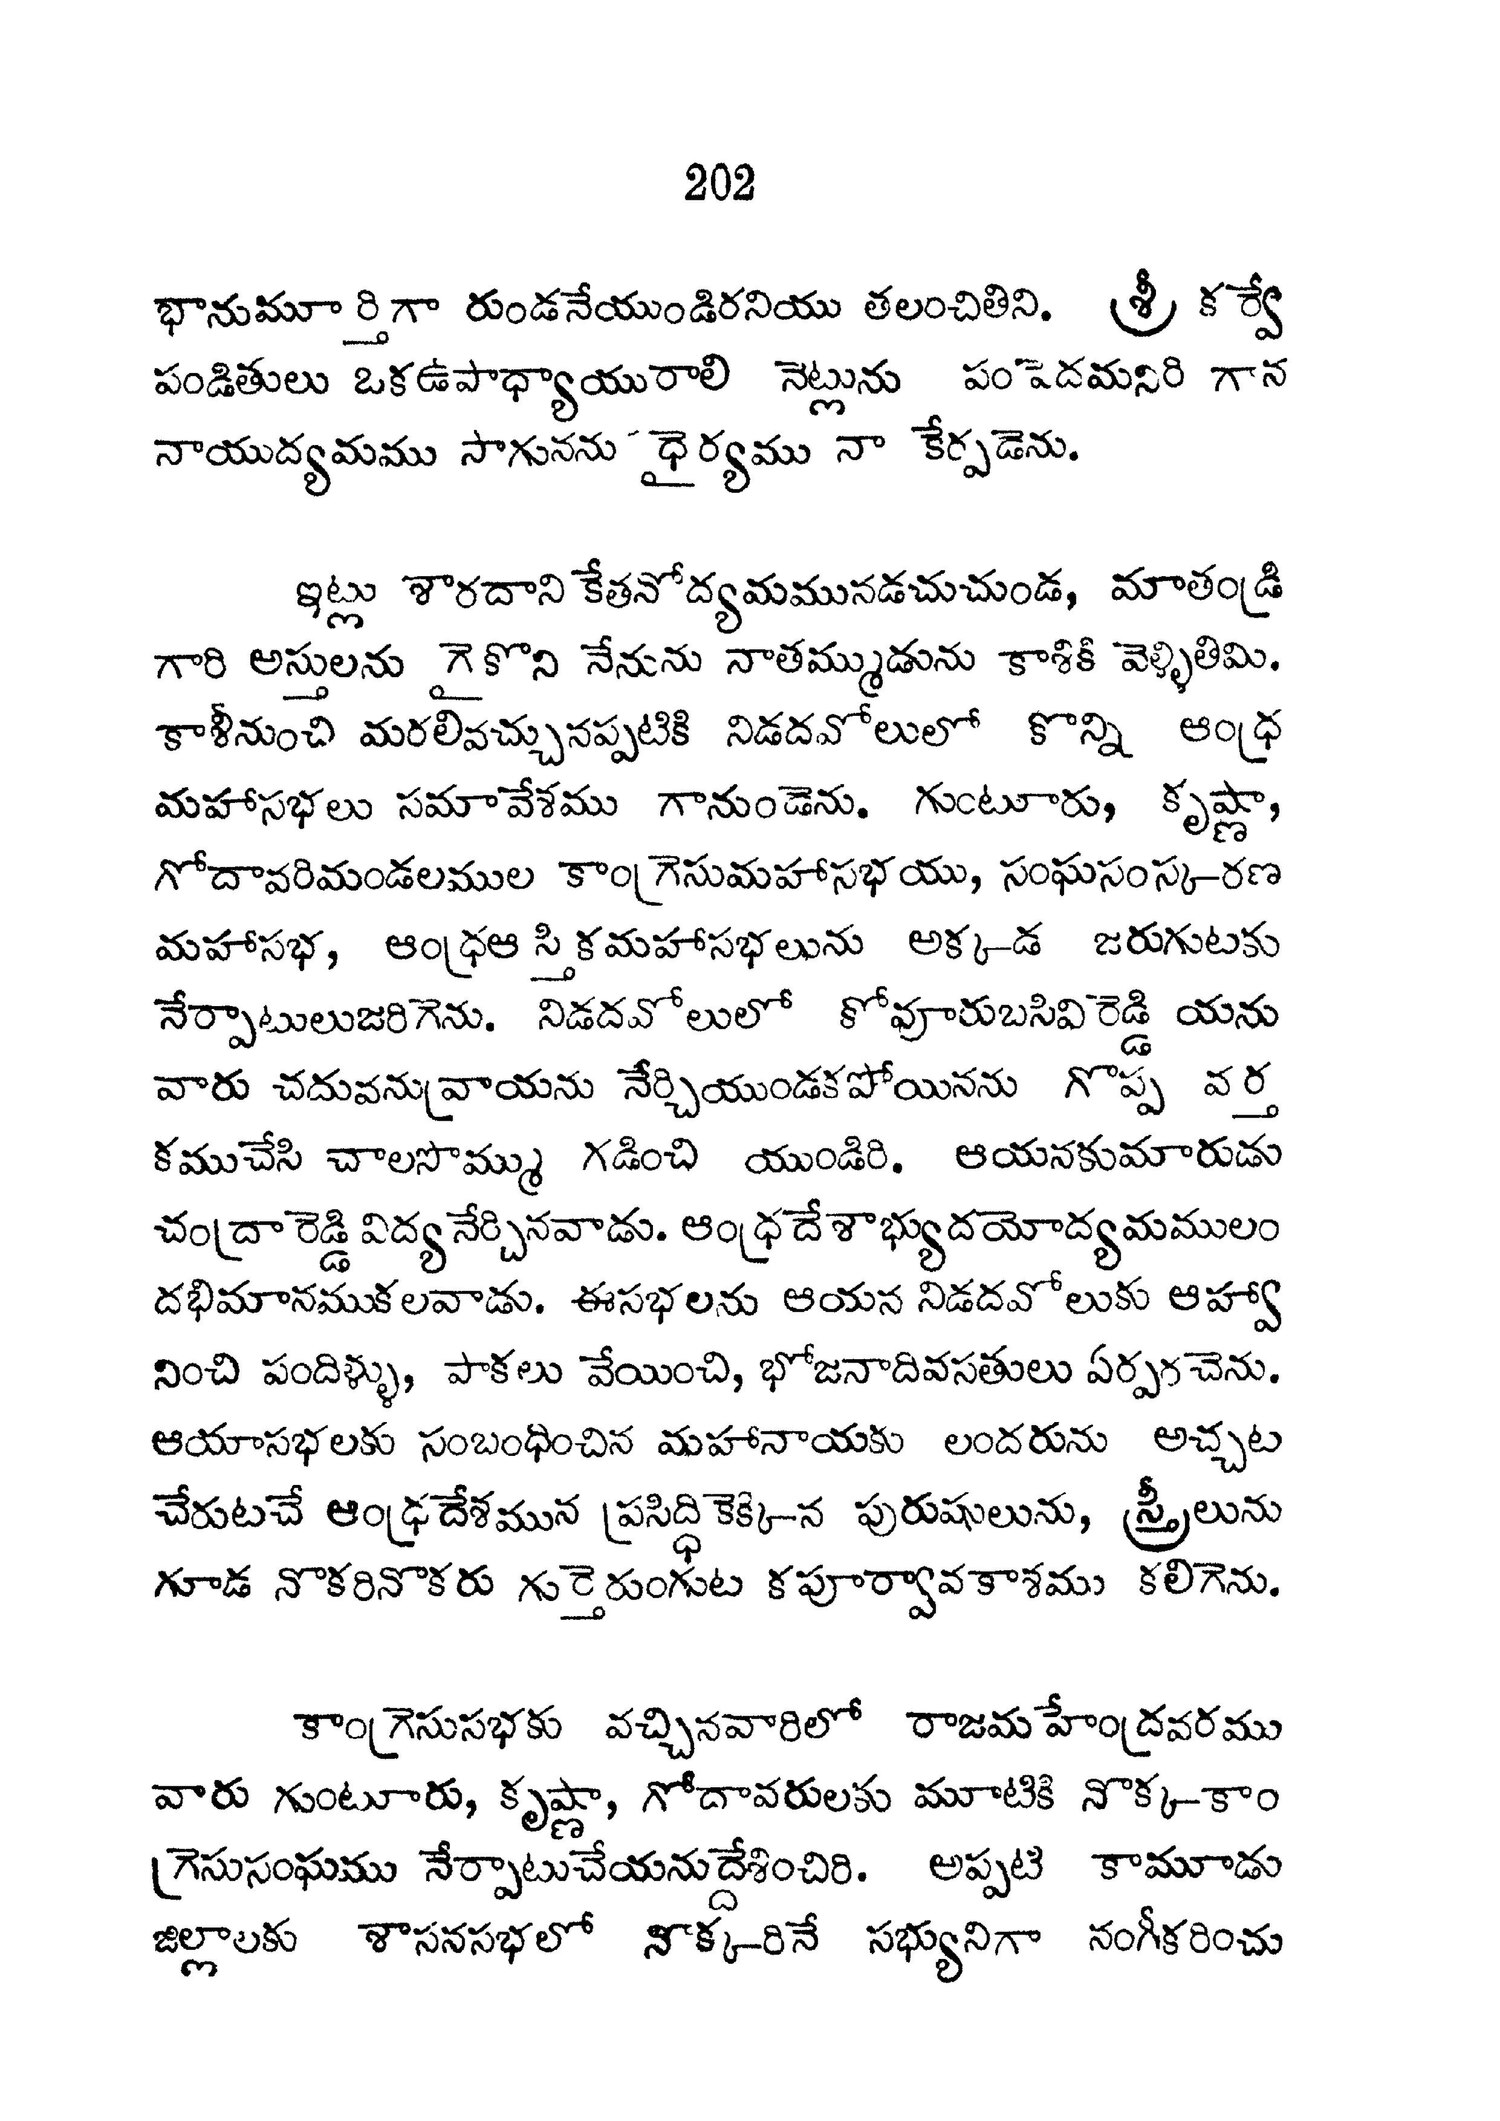భానుమూర్తిగా రుండనేయుండిరనియు తలంచితిని. శ్రీ కర్వేపండితులు ఒకఉపాధ్యాయురాలి నెట్లును పంపెదమనిరి గాన నాయుద్యమము సాగునను ధైర్యము నా కేర్పడెను.

ఇట్లు శారదానికేతనోద్యమమునడచుచుండ, మాతండ్రిగారి అస్తులను గైకొని నేనును నాతమ్ముడును కాశికి వెళ్ళితిమి. కాశీనుంచి మరలివచ్చునప్పటికి నిడదవోలులో కొన్ని ఆంధ్ర మహాసభలు సమావేశము గానుండెను. గుంటూరు, కృష్ణా, గోదావరిమండలముల కాంగ్రెసుమహాసభయు, సంఘసంస్కరణ మహాసభ, ఆంధ్రఆస్తికమహాసభలును అక్కడ జరుగుటకు నేర్పాటులుజరిగెను. నిడదవోలులో కోవూరుబసివిరెడ్డి యనువారు చదువనువ్రాయను నేర్చియుండకపోయినను గొప్ప వర్తకముచేసి చాలసొమ్ము గడించి యుండిరి. ఆయనకుమారుడు చంద్రారెడ్డి విద్యనేర్చినవాడు. ఆంధ్రదేశాభ్యుదయయోద్యమములం దభిమానముకలవాడు. ఈసభలను ఆయన నిడదవోలుకు ఆహ్వానించి పందిళ్ళు, పాకలు వేయించి, భోజనాదివసతులు ఏర్పరచెను. ఆయాసభలకు సంబంధించిన మహానాయకు లందరును అచ్చట చేరుటచే ఆంధ్రదేశమున ప్రసిద్ధికెక్కిన పురుషులును, స్త్రీలును గూడ నొకరినొకరు గుర్తెరుంగుట కపూర్వవకాశము కలిగెను.

కాంగ్రెసుసభకు వచ్చినవారిలో రాజమహేంద్రవరమువారు గుంటూరు, కృష్ణా, గోదావరులకు మూటికి నొక్కకాంగ్రెసుసంఘము నేర్పాటుచేయనుద్దేశించిరి. అప్పటి కామూడు జిల్లాలకు శాసనసభలో నొక్కరినే సభ్యునిగా నంగీకరించు